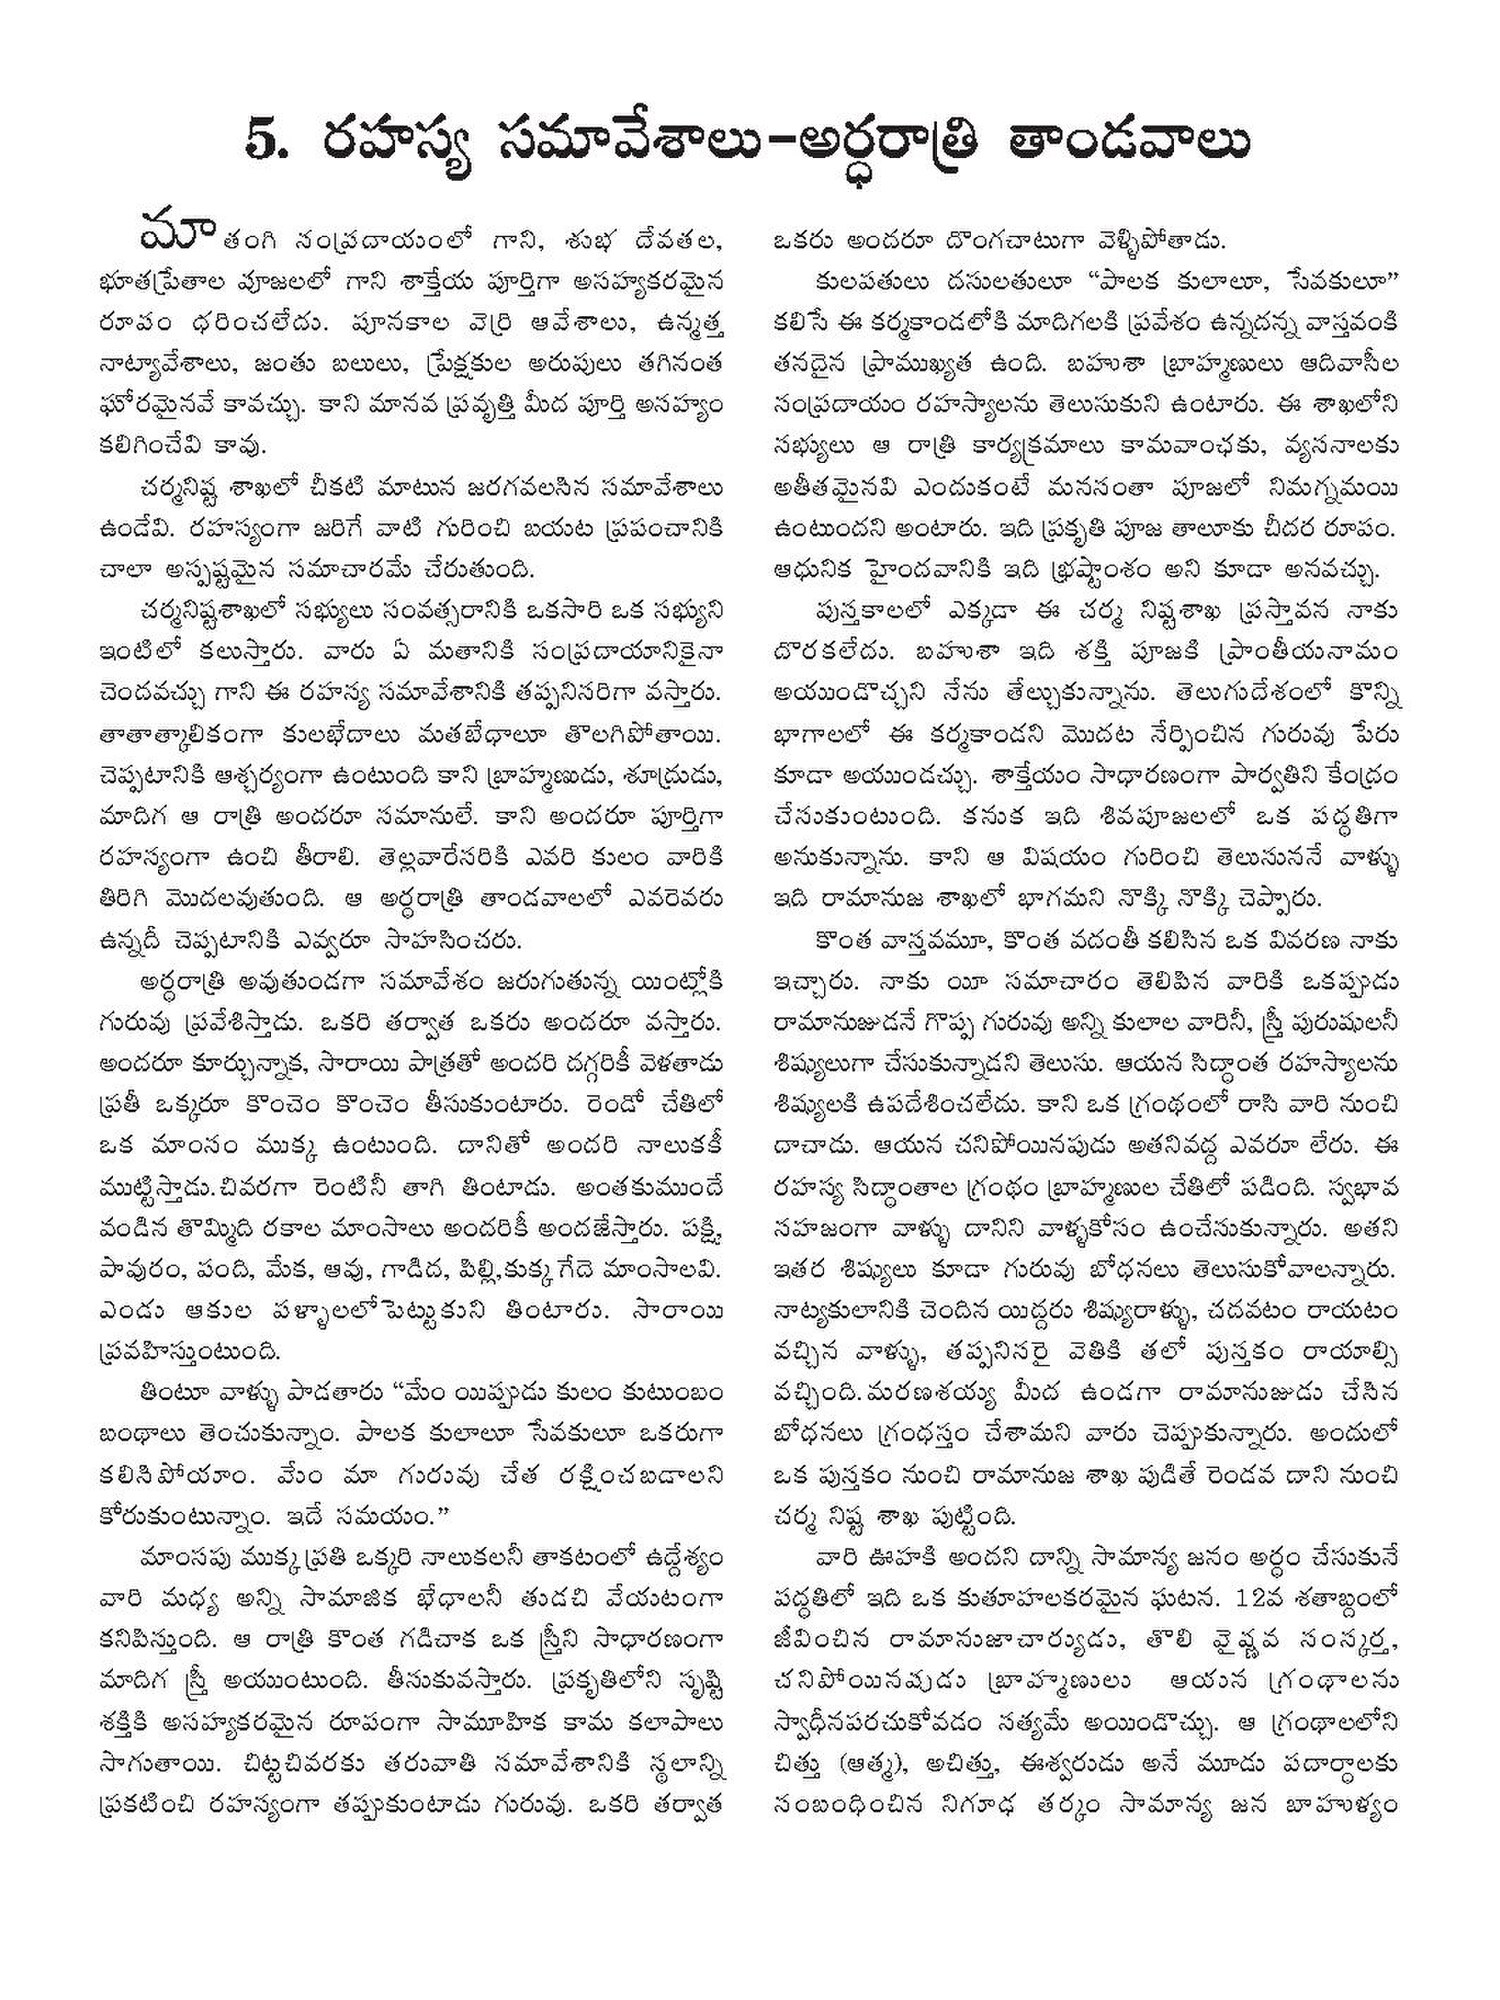5. రహస్య సమావేశాలు-అర్ధరాత్రి తాండవాలు

మాతంగి సంప్రదాయంలో గాని, శుభ దేవతల,
భూతప్రేతాల పూజలలో గాని శాక్తేయ పూర్తిగా అసహ్యకరమైన
రూపం ధరించలేదు. పూనకాల వెర్రి ఆవేశాలు, ఉన్మత్త
నాట్యావేశాలు, జంతు బలులు, ప్రేక్షకుల అరుపులు తగినంత
ఘోరమైనవే కావచ్చు. కాని మానవ ప్రవృత్తి మీద పూర్తి అసహ్యం
కలిగించేవి కావు.

చర్మనిష్ట శాఖలో చీకటి మాటున జరగవలసిన సమావేశాలు
ఉండేవి. రహస్యంగా జరిగే వాటి గురించి బయట ప్రపంచానికి
చాలా అస్పష్టమైన సమాచారమే చేరుతుంది.

చర్మనిష్టశాఖలో సభ్యులు సంవత్సరానికి ఒకసారి ఒక సభ్యుని
ఇంటిలో కలుస్తారు. వారు ఏ మతానికి సంప్రదాయానికైనా
చెందవచ్చు గానీ ఈ రహస్య సమావేశానికి తప్పనిసరిగా వస్తారు.
తాతాత్కాలికంగా కులభేదాలు మతబేధాలూ తొలగిపోతాయి.
చెప్పటానికి ఆశ్చర్యంగా ఉంటుంది కాని బ్రాహ్మణుడు, శూద్రుడు,
మాదిగ ఆ రాత్రి అందరూ సమానులే. కాని అందరూ పూర్తిగా
రహస్యంగా ఉంచి తీరాలి. తెల్లవారేసరికి ఎవరి కులం వారికి
తిరిగి మొదలవుతుంది. ఆ అర్ధరాత్రి తాండవాలలో ఎవరెవరు
ఉన్నదీ చెప్పటానికి ఎవ్వరూ సాహసించరు.

అర్ధరాత్రి అవుతుండగా సమావేశం జరుగుతున్న యింట్లోకి
గురువు ప్రవేశిస్తాడు. ఒకరి తర్వాత ఒకరు అందరూ వస్తారు.
అందరూ కూర్చున్నాక, సారాయి పాత్రతో అందరి దగ్గరికీ వెళతాడు
ప్రతీ ఒక్కరూ కొంచెం కొంచెం తీసుకుంటారు. రెండో చేతిలో
ఒక మాంసం ముక్క ఉంటుంది. దానితో అందరి నాలుకకీ
ముట్టిస్తాడు. చివరగా రెంటినీ తాగి తింటాడు. అంతకుముందే
వండిన తొమ్మిది రకాల మాంసాలు అందరికీ అందజేస్తారు. పక్షి,
పావురం, పంది, మేక, ఆవు, గాడిద, పిల్లి, కుక్క గేదె మాంసాలవి.
ఎండు ఆకుల పళ్ళాలలో పెట్టుకుని తింటారు. సారాయి
ప్రవహిస్తుంటుంది.

తింటూ వాళ్ళు పాడతారు “మేం యిప్పుడు కులం కుటుంబం
బంధాలు తెంచుకున్నాం. పాలక కులాలూ సేవకులూ ఒకరుగా
కలిసిపోయాం. మేం మా గురువు చేత రక్షించబడాలని
కోరుకుంటున్నాం. ఇదే సమయం.”

మాంసపు ముక్క ప్రతి ఒక్కరి నాలుకలనీ తాకటంలో ఉద్దేశ్యం
వారి మధ్య అన్ని సామాజిక భేదాలనీ తుడచి వేయటంగా
కనిపిస్తుంది. ఆ రాత్రి కొంత గడిచాక ఒక స్త్రీని సాధారణంగా
మాదిగ స్త్రీ అయుంటుంది. తీసుకువస్తారు. ప్రకృతిలోని సృష్టి
శక్తికి అసహ్యకరమైన రూపంగా సామూహిక కామ కలాపాలు
సాగుతాయి. చిట్టచివరకు తరువాతి సమావేశానికి స్థలాన్ని
ప్రకటించి రహస్యంగా తప్పుకుంటాడు గురువు. ఒకరి తర్వాత
ఒకరు అందరూ దొంగచాటుగా వెళ్ళిపోతాడు.

కులపతులు దసులతులూ "పాలక కులాలూ, సేవకులూ”
కలిసే ఈ కర్మకాండలోకి మాదిగలకి ప్రవేశం ఉన్నదన్న వాస్తవంకి
తనదైన ప్రాముఖ్యత ఉంది. బహుశా బ్రాహ్మణులు ఆదివాసీల
సంప్రదాయం రహస్యాలను తెలుసుకుని ఉంటారు. ఈ శాఖలోని
సభ్యులు ఆ రాత్రి కార్యక్రమాలు కామవాంఛకు, వ్యసనాలకు
అతీతమైనవి ఎందుకంటే మనసంతా పూజలో నిమగ్నమయి
ఉంటుందని అంటారు. ఇది ప్రకృతి పూజ తాలూకు చీదర రూపం.
ఆధునిక హైందవానికి ఇది భ్రష్టాంశం అని కూడా అనవచ్చు.

పుస్తకాలలో ఎక్కడా ఈ చర్మ నిష్టశాఖ ప్రస్తావన నాకు
దొరకలేదు. బహుశా ఇది శక్తి పూజకి ప్రాంతీయనామం
అయుండొచ్చని నేను తేల్చుకున్నాను. తెలుగుదేశంలో కొన్ని
భాగాలలో ఈ కర్మకాండని మొదట నేర్పించిన గురువు పేరు
కూడా అయుండచ్చు. శాక్తేయం సాధారణంగా పార్వతిని కేంద్రం
చేసుకుంటుంది. కనుక ఇది శివపూజలలో ఒక పద్దతిగా
అనుకున్నాను. కాని ఆ విషయం గురించి తెలుసుననే వాళ్ళు
ఇది రామానుజ శాఖలో భాగమని నొక్కి నొక్కి చెప్పారు.

కొంత వాస్తవమూ, కొంత వదంతి కలిసిన ఒక వివరణ నాకు
ఇచ్చారు. నాకు యీ సమాచారం తెలిపిన వారికి ఒకప్పుడు
రామానుజుడనే గొప్ప గురువు అన్ని కులాల వారినీ, స్త్రీ పురుషులనీ
శిష్యులుగా చేసుకున్నాడని తెలుసు. ఆయన సిద్ధాంత రహస్యాలను
శిష్యులకి ఉపదేశించలేదు. కాని ఒక గ్రంథంలో రాసి వారి నుంచి
దాచాడు. ఆయన చనిపోయినపుడు అతనివద్ద ఎవరూ లేరు. ఈ
రహస్య సిద్ధాంతాల గ్రంథం బ్రాహ్మణుల చేతిలో పడింది. స్వభావ
సహజంగా వాళ్ళు దానిని వాళ్ళకోసం ఉంచేసుకున్నారు. అతని
ఇతర శిష్యులు కూడా గురువు బోధనలు తెలుసుకోవాలన్నారు.
నాట్యకులానికి చెందిన యిద్దరు శిష్యురాళ్ళు, చదవటం రాయటం
వచ్చిన వాళ్ళు, తప్పనిసరై వెతికి తలో పుస్తకం రాయాల్సి
వచ్చింది. మరణశయ్య మీద ఉండగా రామానుజుడు చేసిన
బోధనలు గ్రంధస్తం చేశామని వారు చెప్పుకున్నారు. అందులో
ఒక పుస్తకం నుంచి రామానుజ శాఖ పుడితే రెండవ దాని నుంచి
చర్మ నిష్ట శాఖ పుట్టింది.

వారి ఊహకి అందని దాన్ని సామాన్య జనం అర్ధం చేసుకునే
పద్ధతిలో ఇది ఒక కుతూహలకరమైన ఘటన. 12వ శతాబ్దంలో
జీవించిన రామానుజాచార్యుడు, తొలి వైష్ణవ సంస్కర్త,
చనిపోయినపుడు బ్రాహ్మణులు ఆయన గ్రంథాలను
స్వాధీనపరచుకోవడం సత్యమే అయిండొచ్చు. ఆ గ్రంథాలలోని
చిత్తు (ఆత్మ), అచిత్తు, ఈశ్వరుడు అనే మూడు పదార్దాలకు
సంబంధించిన నిగూఢ తర్కం సామాన్య జన బాహుళ్యం